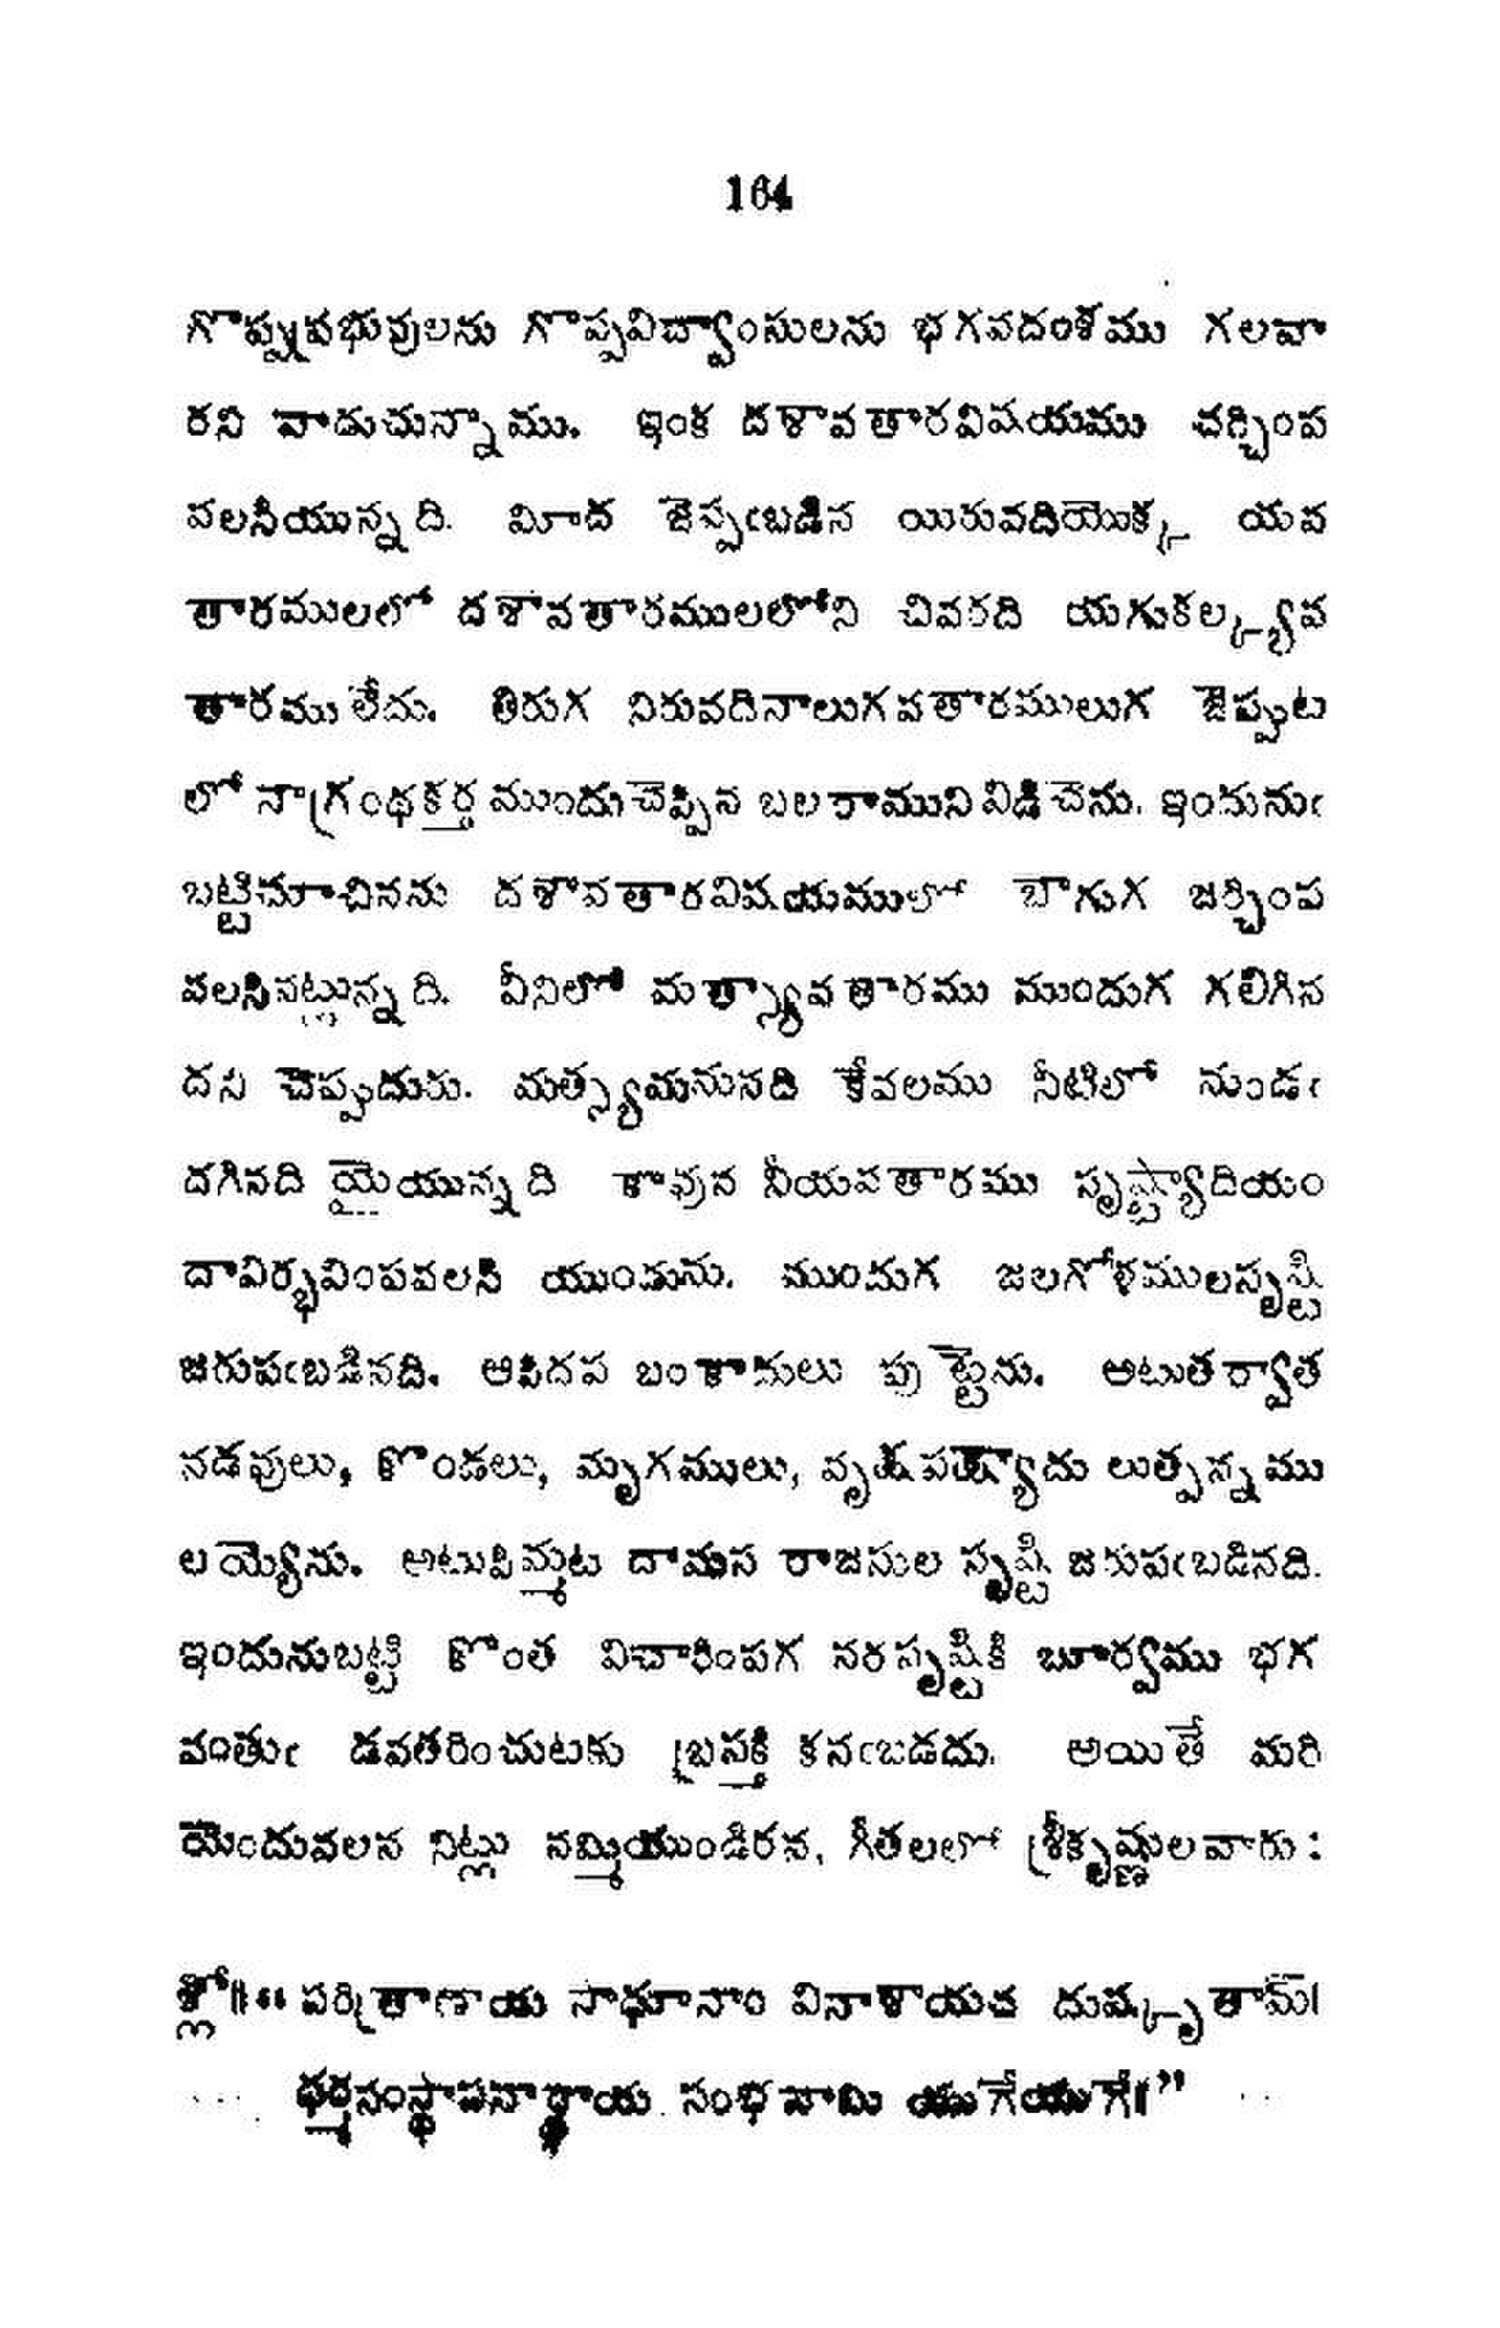గొప్పప్రభువులను గొప్పవిద్వాంసులను భగవదంశము గలవారని వాడుచున్నాము. ఇంక దశావతారవిషయము చర్చింప వలసియున్నది. మీద జెప్పఁబడిన యిరువదియొక్క యవతారములలో దశావతారములలోని చివరది యగుకల్క్యవతారములేదు. తిరుగ నిరువదినాలు గవతారములుగ జెప్పుటలో నాగ్రంథకర్తముందుచెప్పిన బలరాముని విడిచెను. ఇందునుఁ
బట్టిచూచినను దశావతారవిషయములో బాగుగ జర్చింపవలసినట్లున్న ది. వీనిలో మత్స్యావతారము ముందుగ గలిగినదని చెప్పుదురు. మత్స్యమనునది కేవలము నీటిలో నుండఁదగినది యైయున్నది. కావున నీయవతారము సృష్ట్యాదియందావిర్భవింపవలసి యుండును. ముందుగ జలగోళములసృష్టి
జరుపఁబడినది. ఆపిదప బంకాదులు పుట్టెను. అటుతర్వాత నడవులు, కొండలు, మృగములు, వృక్షపక్ష్యాదు లుత్పన్నము లయ్యెను. అటుపిమ్మట దామస రాజసుల సృష్టి, జుగుపఁబడినది.
ఇందునుబట్టి కొంత విచారింపగ నరసృష్టికి బూర్వము భగవంతుఁ డవతరించుటకు బ్రసక్తి కనఁబడదు. అయితే మరి యెందువలన నిట్లు నమ్మియుండిరన, గీతలలో శ్రీకృష్ణులవారు :

శ్లో. "పరిత్రాణాయ సాధూనాం వినాశాయచ దుష్కృతామ్ !
 ధర్మసంస్థాపనార్థాయ సంభవామి యుగేయుగే!!"